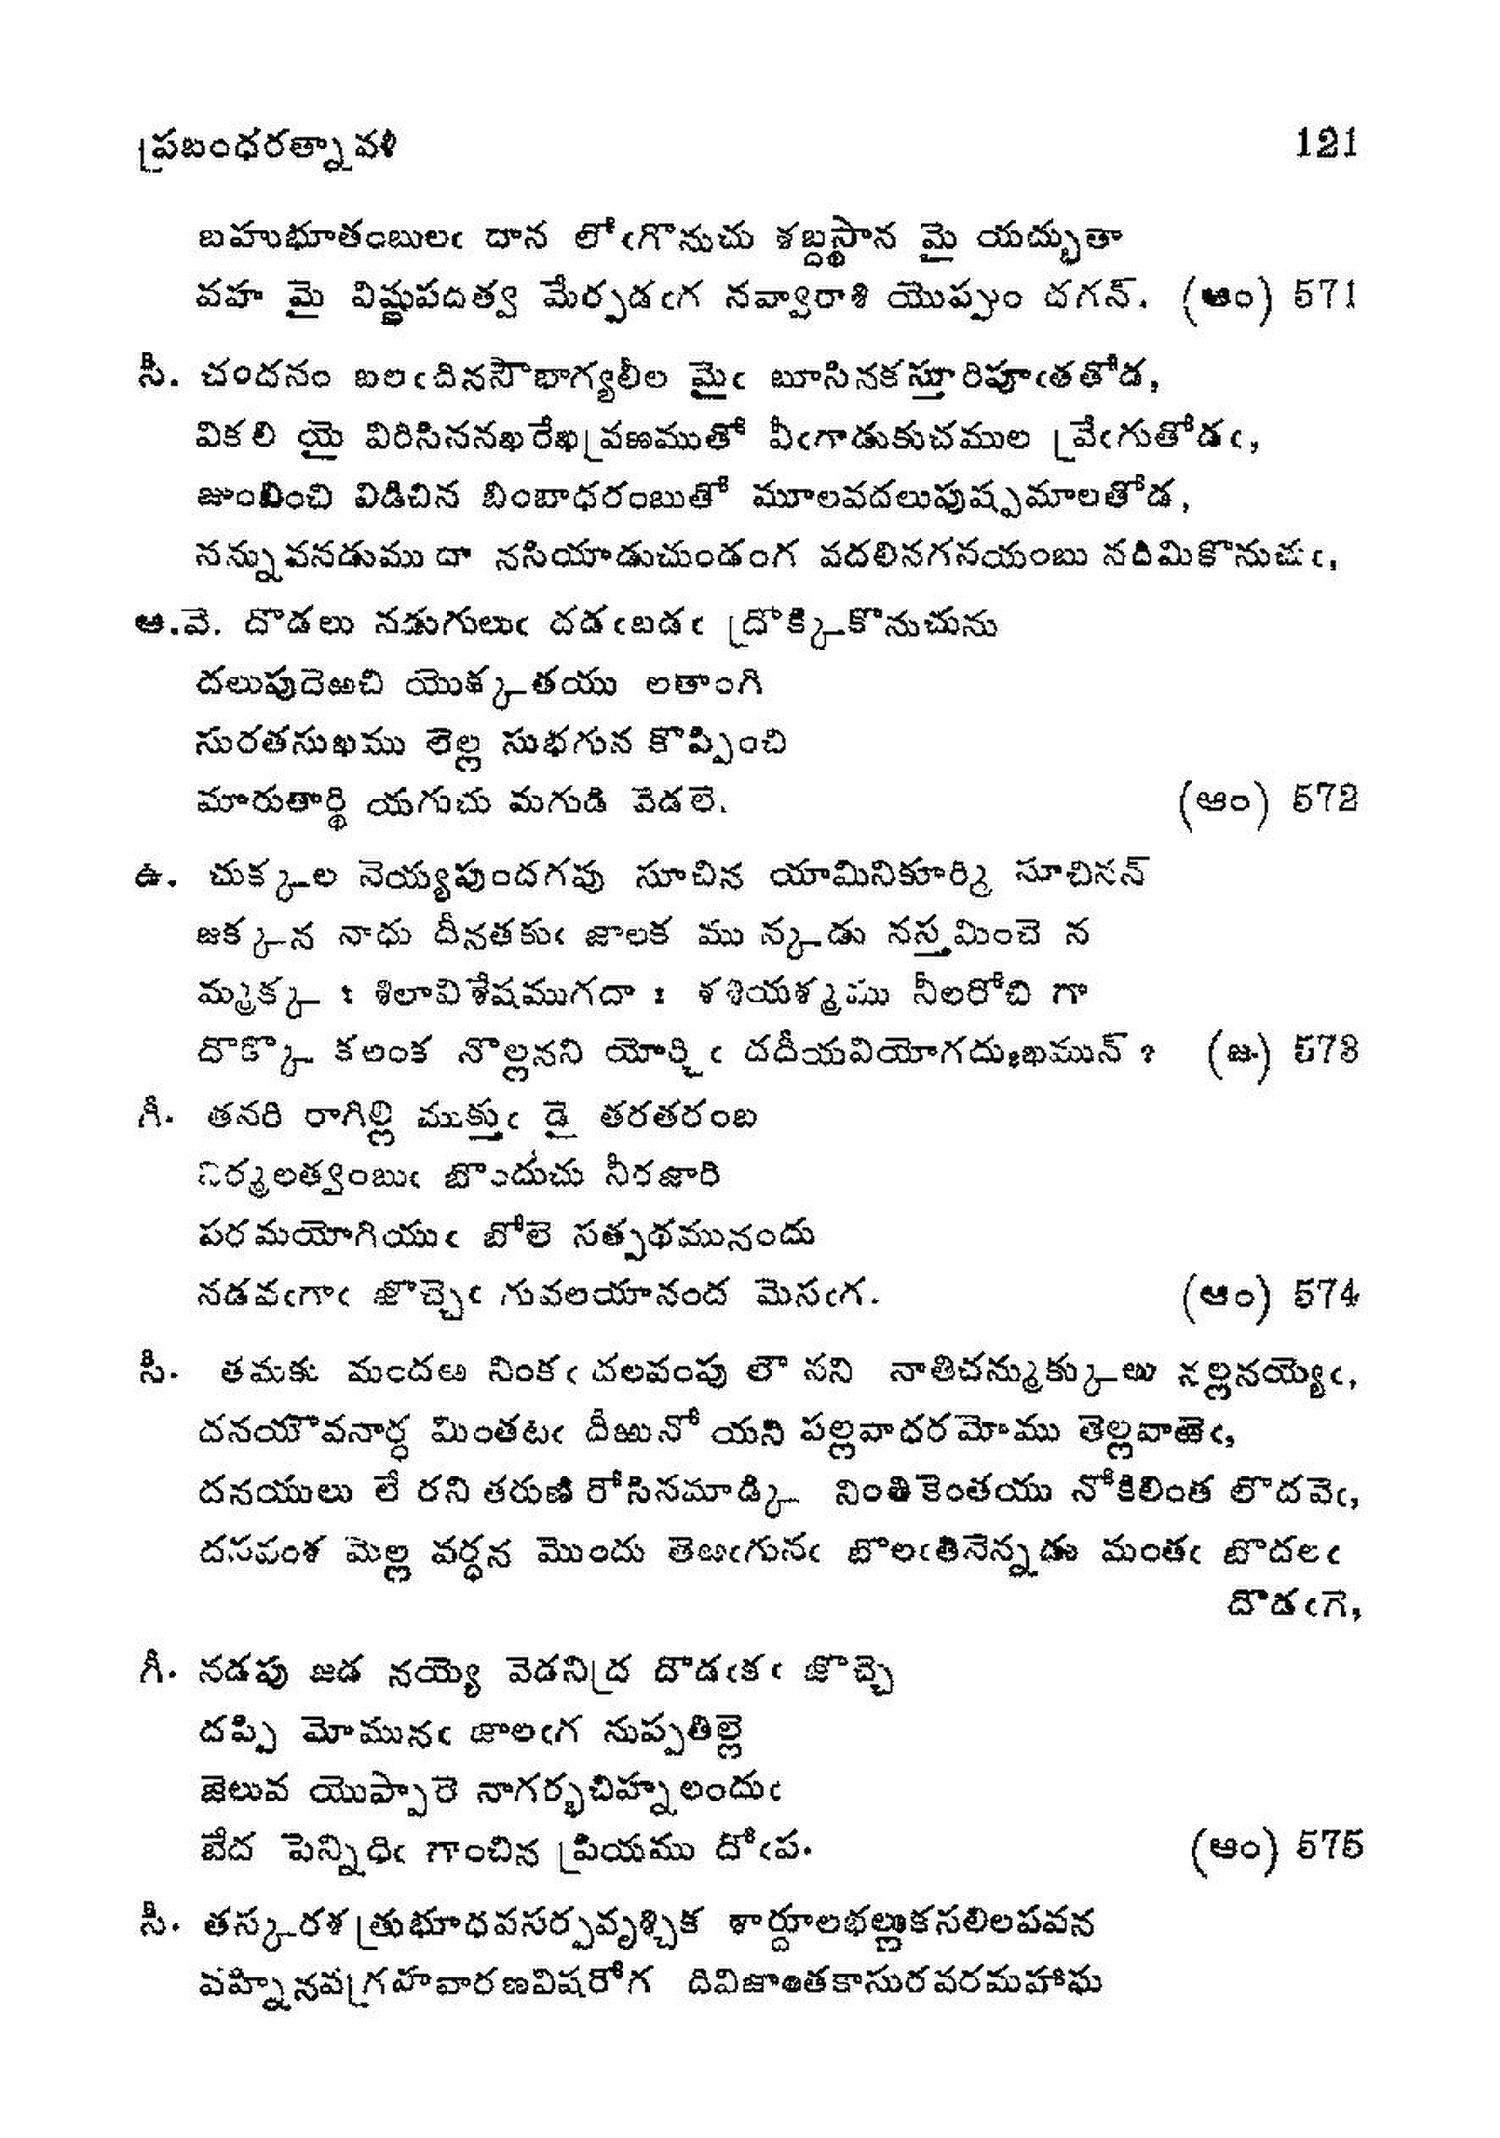బహుభూతంబులఁ దాన లోఁగొనుచు శబ్దస్థానమై యద్భుతా
వహమై విష్ణుపదత్వ మేర్పడఁగ నవ్వారాశి యొప్పుం దగన్. (ఆం) 571

సీ. చందనం బలఁదిన సౌభాగ్యలీల మైఁ బూసిన కస్తూరిపూఁతతోడ,
వికలియై విరిసిన నఖరేఖ వ్రణముతో వీఁగాడు కుచముల వ్రేఁగుతోడఁ,
జుంబించి విడిచిన బింబాధరంబుతో మూలవదలు పుష్పమాలతోడ,
నన్నువనడుము దా నసియాడుచుండంగ వదలిన గనయంబు నదిమికొనుచుఁ
ఆ. దొడలు నడుగులుఁ దడఁబడఁ ద్రొక్కికొనుచును
దలుపు దెఱచి యొక్కతయు లతాంగి
సురతసుఖములెల్ల సుభగున కొప్పించి
మారుతార్థి యగుచు మగుడి వెడలె. (ఆం) 572

ఉ. చుక్కల నెయ్యపుం దగవు సూచిన యామిని కూర్మి సూచినన్
జక్కన నాథు దీనతకుఁ జాలక మున్కడు నస్తమించె న
మ్మక్క! శిలావిశేషము గదా! శశియశ్మము నీలరోచి గా
దొక్కొకలంక నొల్లనని యోర్చిఁ దదీయ వియోగదుఃఖమున్? (ఆం) 573

గీ. తనరి రాగిల్లి ముక్తుఁడై తరతరంబ
నిర్మలత్వంబుఁ బొందుచు నీరజారి
పరమయోగియుఁ బోలె సత్పథమునందు
నడవఁగాఁజొచ్చె గువలయానంద మెసఁగ. (ఆం) 574

సీ. తమకు ముందఱ నింకఁ దలవంపు లౌనని నాతి చన్ముక్కులు నల్లనయ్యెఁ,
దన యౌవనార్థ మింతటఁ దీఱునో యని పల్లవాధర మోము తెల్లవాఱెఁ,
దనయులు లేరని తరుణి రోసినమాడ్కి నింతికెంతయు నోకి లింత లొదవెఁ,
దన వంశమెల్ల వర్ధనమొందు తెఱఁగునఁ బొలఁతి నెన్నడుమంతఁ బొదలఁదొడఁగె,
గీ. నడపు జడనయ్యె వెడనిద్ర దొడఁకఁజొచ్చె
దప్పి మోమునఁజాలఁగ నుప్పతిల్లె
జెలువ యొప్పారె నా గర్భచిహ్నలందుఁ
బేద పెన్నిధిఁ గాంచిన ప్రియము దోఁప. (ఆం) 575

సీ. తస్కరశత్రుభూధవసర్పవృశ్చిక శార్దూలభల్లుకసలిలపవన
వహ్నినవగ్రహవారణవిషరోగ దివిజాంతకాసుర వరమహాఘ